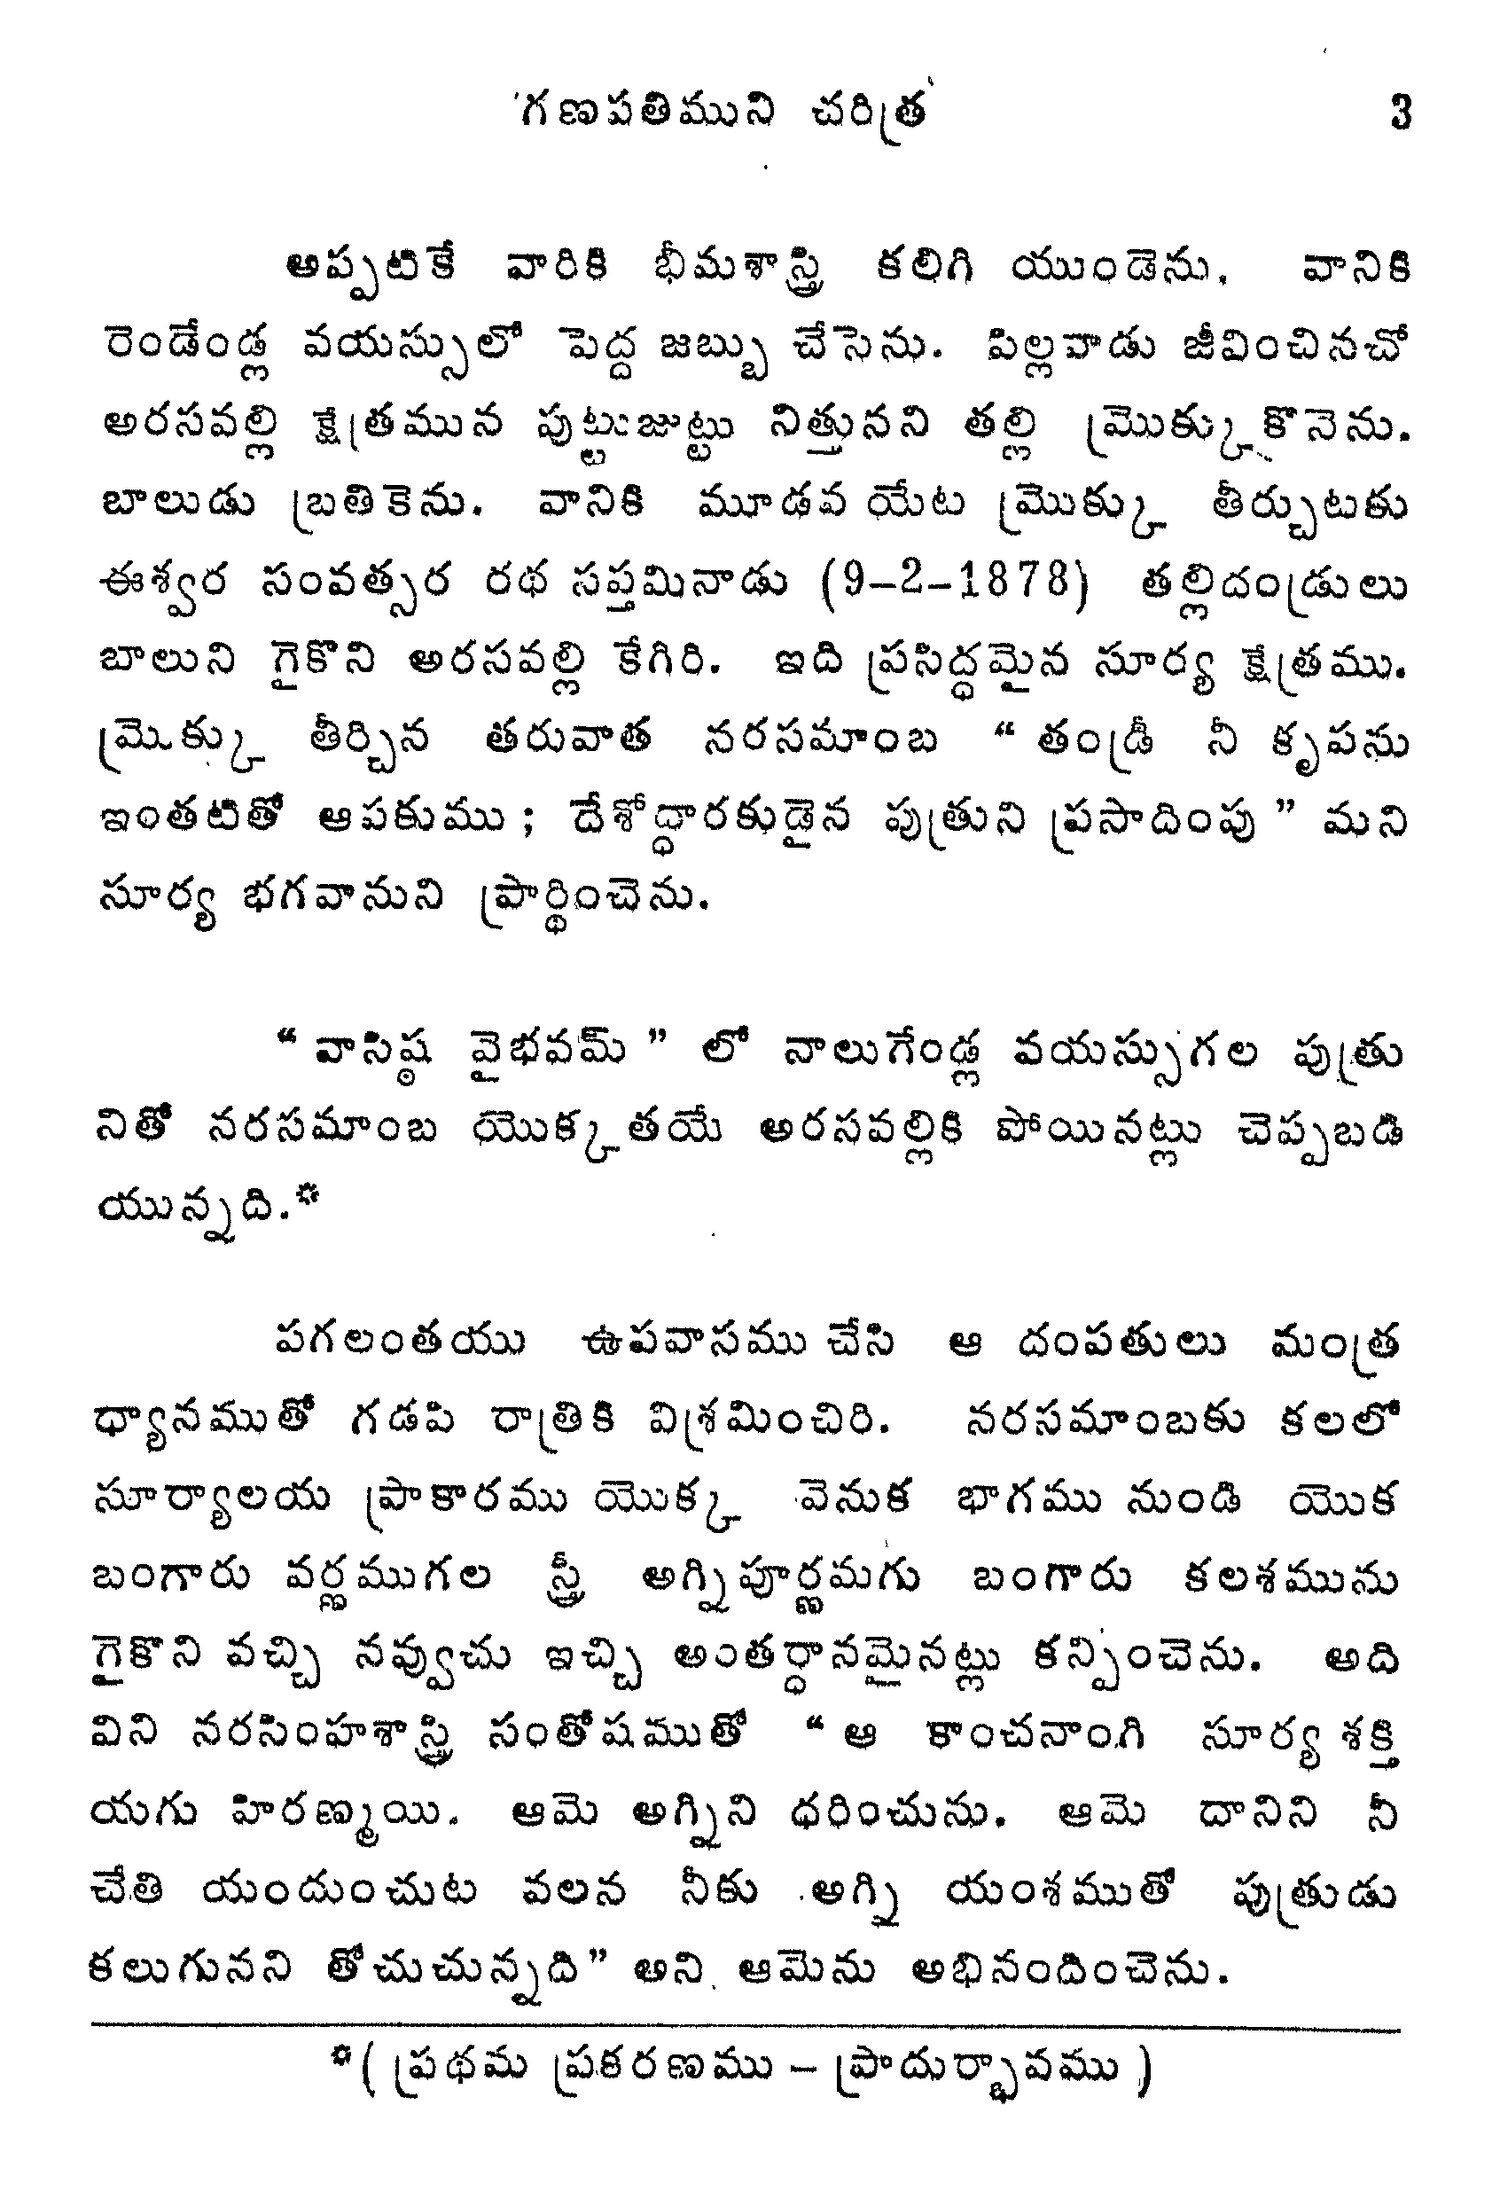అప్పటికే వారికి భీమశాస్త్రి కలిగి యుండెను. వానికి రెండేండ్ల వయస్సులో పెద్ద జబ్బు చేసెను. పిల్లవాడు జీవించినచో అరసవల్లి క్షేత్రమున పుట్టుజుట్టు నిత్తునని తల్లి మ్రొక్కు కొనెను. బాలుడు బ్రతికెను. వానికి మూడవ యేట మ్రొక్కు తీర్చుటకు ఈశ్వర సంవత్సర రథ సప్తమినాడు (9-2-1878) తల్లిదండ్రులు బాలుని గైకొని అరసవల్లి కేగిరి. ఇది ప్రసిద్ధమైన సూర్య క్షేత్రము. మ్రొక్కు తీర్చిన తరువాత నరసమాంబ "తండ్రి నీ కృపను ఇంతటితో ఆపకుము; దేశోద్ధారకుడైన పుత్రుని ప్రసాదింపు" మని సూర్య భగవానుని ప్రార్థించెను.

"వాసిష్ఠ వైభవమ్" లో నాలుగేండ్ల వయస్సుగల పుత్రునితో నరసమాంబ యొక్కతయే అరసవల్లికి పోయినట్లు చెప్పబడియున్నది.*

పగలంతయు ఉపవాసము చేసి ఆ దంపతులు మంత్ర ధ్యానముతో గడపి రాత్రికి విశ్రమించిరి. నరసమాంబకు కలలో సూర్యాలయ ప్రాకారము యొక్క వెనుక భాగము నుండి యొక బంగారు వర్ణముగల స్త్రీ అగ్నిపూర్ణమగు బంగారు కలశమును గైకొని వచ్చి నవ్వుచు ఇచ్చి అంతర్ధానమైనట్లు కన్పించెను. అది విని నరసింహశాస్త్రి సంతోషముతో "ఆ కాంచనాంగి సూర్య శక్తియగు హిరణ్మయి. ఆమె అగ్నిని ధరించును. ఆమె దానిని నీ చేతి యందుంచుట వలన నీకు అగ్ని యంశముతో పుత్రుడు కలుగునని తోచుచున్నది" అని ఆమెను అభినందించెను.